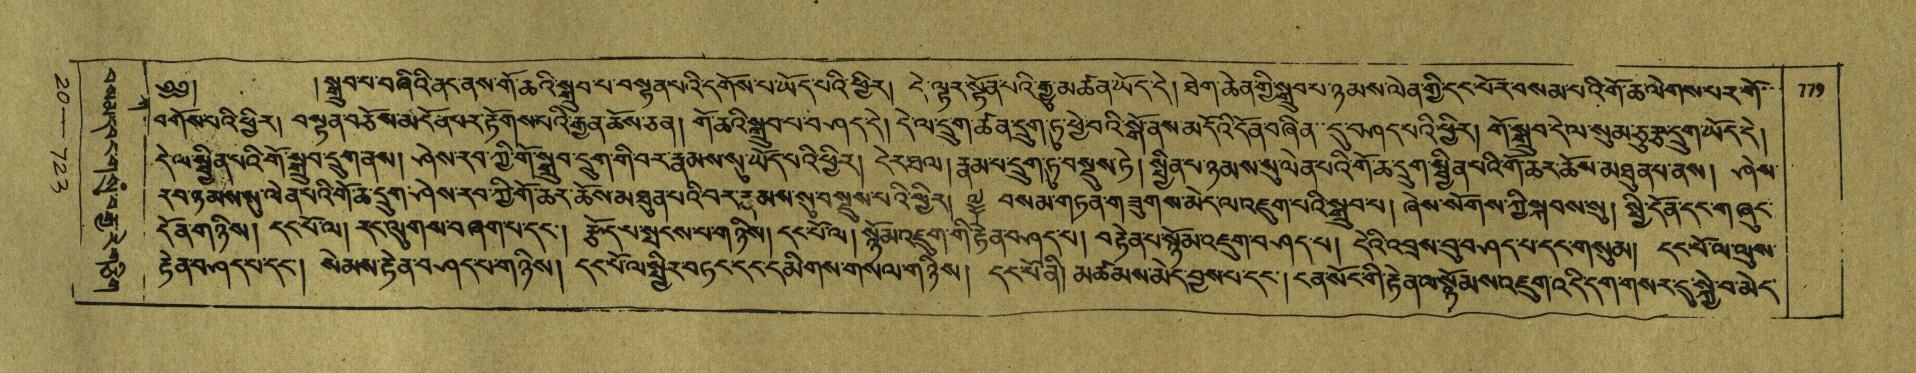༄༅། །སྒྲུབ་པ་བཞིའི་ནང་ནས་གོ་ཆའི་སྒྲུབ་པ་བསྟན་པའི་དགོས་པ་ཡོད་པའི་ཕྱིར། དེ་ལྟར་སྟོན་པའི་རྒྱུ་མཚན་ཡོད་དེ། ཐེག་ཆེན་གྱི་སྒྲུབ་པ་ཉམས་ལེན་གྱི་དང་པོར་བསམ་པའི་གོ་ཆ་ལེགས་པར་གོ་
བགོས་པའི་ཕྱིར། བསྟན་བཅོས་མངོན་པར་རྟོགས་པའི་རྒྱན་ཆོས་ཅན། གོ་ཆའི་སྒྲུབ་པ་བཤད་དེ། དེ་ལ་དྲུག་ཚན་དྲུག་ཏུ་ཕྱེ་བའི་སྒོ་ནས་མདོའི་དོན་བཞིན་དུ་བཤད་པའི་ཕྱིར། གོ་སྒྲུབ་དེ་ལ་སུམ་ཅུ་རྩ་དྲུག་ཡོད་དེ།
དེ་ལ་སྦྱིན་པའི་གོ་སྒྲུབ་དྲུག་ནས། ཤེས་རབ་ཀྱི་གོ་སྒྲུབ་དྲུག་གི་བར་རྣམས་སུ་ཡོད་པའི་ཕྱིར། དེར་ཐལ། རྣམ་པ་དྲུག་ཏུ་བསྡུས་ཏེ། སྤྱིན་པ་ཉམས་སུ་ལེན་པའི་གོ་ཆ་དྲུག་གི་སྦྱིན་པའི་གོ་ཆར་ཆོས་མཐུན་པ་ནས། ཤེས་
རབ་ཉམས་སུ་ལེན་པའི་གོ་ཆ་དྲུག་ཤེས་རབ་ཀྱི་གོ་ཆར་ཆོས་མཐུན་པའི་བར་རྣམས་སུ་བསྡུས་པའི་ཕྱིར། ༈ བསམ་གཏན་གཟུགས་མེད་ལ་འཇུག་པའི་སྒྲུབ་པ། ཞེས་སོགས་ཀྱི་སྐབས་སུ། སྤྱི་དོན་དང་གཞུང་
དོན་གཉིས། དང་པོ་ལ། རང་ལུགས་བཞག་པ་དང་། རྩོད་པ་སྤངས་པ་གཉིས། དང་པོ་ལ། སྙོམ་འཇུག་གི་རྟེན་བཤད་པ། བརྟེན་པ་སྙོམ་འཇུག་བཤད་པ། དེའི་འབྲས་བུ་བཤད་པ་དང་གསུམ། དང་པོ་ལ་ལུས་
རྟེན་བཤད་པ་དང་། སེམས་རྟེན་བཤད་པ་གཉིས། དང་པོ་ལ་སྤྱིར་བཏང་དང་དམིགས་གསལ་གཉིས། དང་པོ་ནི། མཚམས་མེད་བྱས་པ་དང་། ངན་སོང་གི་རྟེན་ལ་སྙོམས་འཇུག་འདི་དག་གསར་དུ་སྐྱེ་བ་མེད་